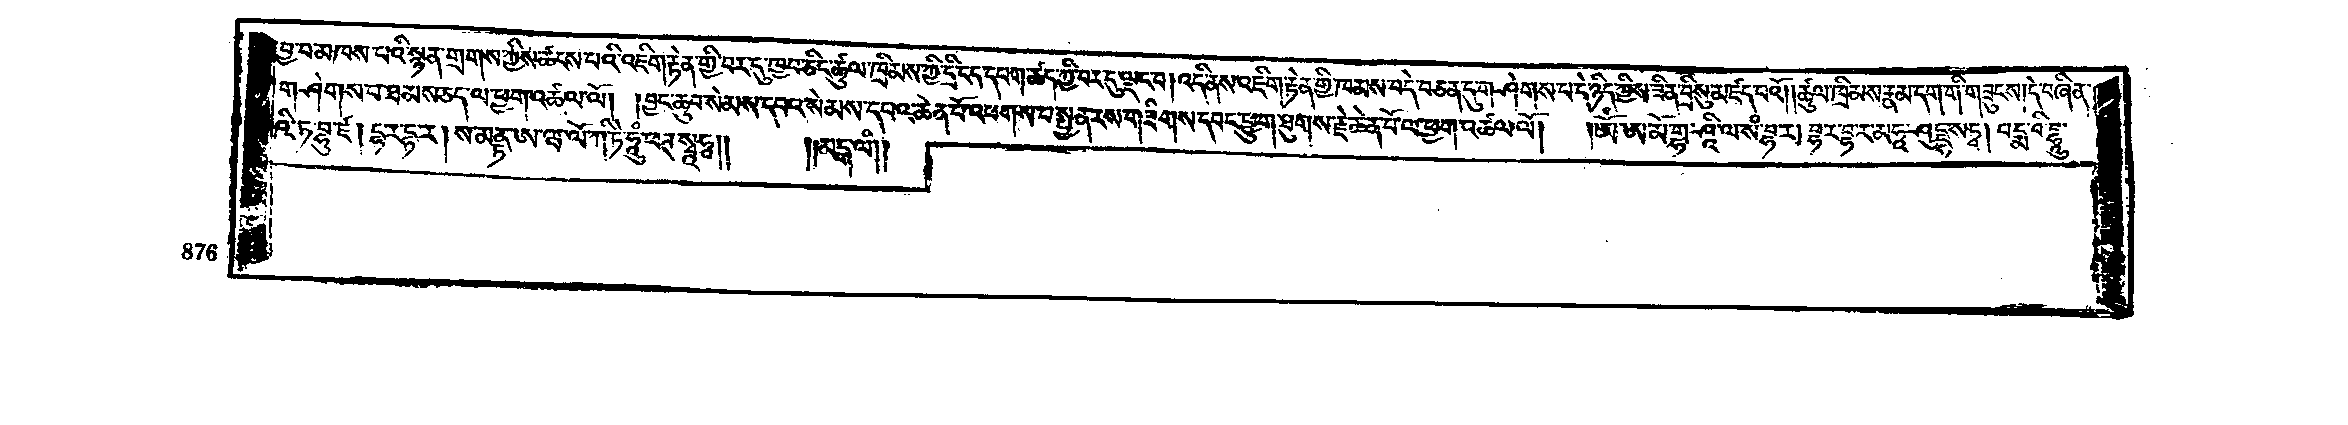བྱ་བ་མཁས་པའི་སྙན་གྲགས་ཀྱིས་ཚངས་པའི་འཇིག་རྟེན་གྱི་བར་དུ་ཁྱབ་ཅིང་ཚུལ་ཁྲིམས་ཀྱི་དྲི་དད་དཔག་ཚད་ཀྱི་བར་དུ་ལྡང་བ། འདི་ནས་འཇིག་རྟེན་གྱི་ཁམས་བདེ་བ་ཅན་དུ་གཤེགས་པ་དེ་ཉིད་ཀྱིས་ཟིན་བྲིས་སུ་མཛད་པའོ། །ཚུལ་ཁྲིམས་རྣམ་དག་གི་གཟུངས། དེ་བཞིན་
གཤེགས་པ་ཐམས་ཅད་ལ་ཕྱག་འཚལ་ལོ། །བྱང་ཆུབ་སེམས་དཔའ་སེམས་དཔའ་ཆེན་པོ་འཕགས་པ་སྤྱན་རས་གཟིགས་དབང་ཕྱུག་ཐུགས་རྗེ་ཆེན་པོ་ལ་ཕྱག་འཚལ་ལོ། །ཨོཾ་ཨ་མོ་གྷ་ཤཱི་ལ་སཾ་བྷ་ར། བྷ་ར་བྷ་ར་མཧཱ་ཤུདྡྷ་ས་ཏཱ། པདམ་བི་བྷཱུ་ཥི་ཏ་བྷུ་ཛ། དྷ་ར་དྷ་ར། ས་མནྟ་ཨ་ཝ་ལོ་ཀི་ཏེ་ཧཱུཾ་ཕཊ་སྭཱཧཱ།། །།མངྒ་ལམ།